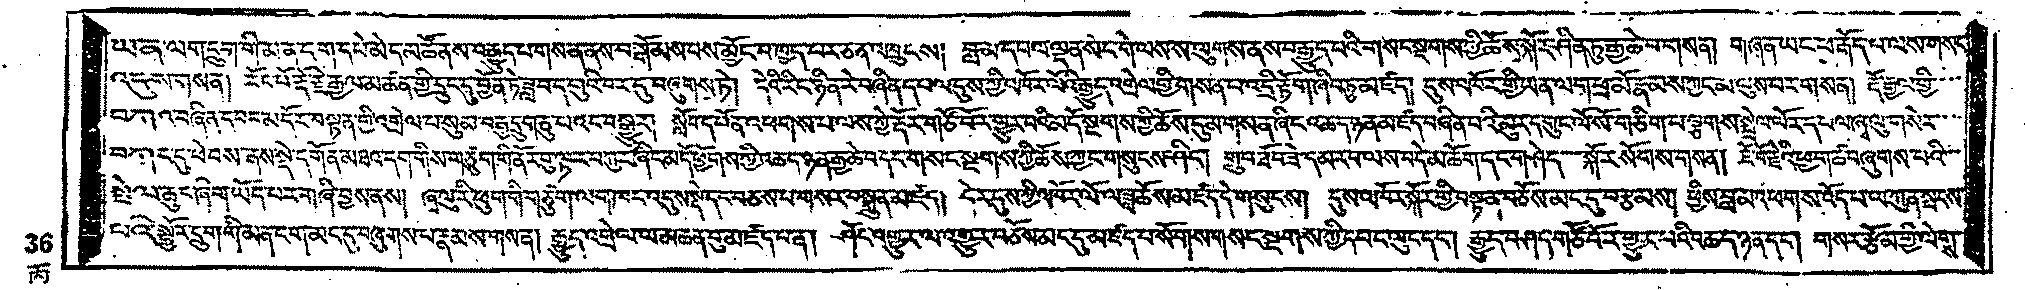ཡན་ལག་དྲུག་གི་མན་ངག་དཔེ་མེད་མཚོ་ནས་བརྒྱུད་པ་གསན་ནས་བསྒོམས་པས་མྱོང་བ་ཁྱད་པར་ཅན་འཁྲུངས། བླ་མ་དཔལ་ལྡན་སེང་གེ་ལས་ས་ལུགས་ནས་བརྒྱུད་པའི་གསང་སྔགས་ཀྱི་ཆོས་སྐོར་ཤིན་ཏུ་རྒྱ་ཆེ་བ་གསན། གཞན་ཡང་ཕ་རྒོད་པ་ལས་གསང་
འདུས་གསན། རོང་པོ་རྡོ་རྗེ་རྒྱལ་མཚན་གྱི་དྲུང་དུ་བྱོན་ཏེ་ཟླ་བ་དབུའི་བར་དུ་བཞུགས་ཏེ། དེའི་རིང་ཉིན་རེ་བཞིན་དཔལ་དུས་ཀྱི་འཁོར་ལོའི་རྒྱུད་འགྲེལ་གྱི་གསན་པ་འདྲི་རྟོག་ཞིབ་ཏུ་མཛད། དུས་འཁོར་གྱི་ཡན་ལག་ཕྲ་མོ་རྣམས་ཀྱང་མ་ལུས་པར་གསན། རྡོ་རྒྱལ་གྱི་
བཀའ་བཞིན་དབང་མདོར་བསྟན་གྱི་འགྲེལ་པ་སུམ་བརྒྱ་དྲུག་ཅུ་པའང་བསྒྱུར། སློབ་དཔོན་འཕགས་པ་ལས་ཀྱེ་རྡོར་གཙོ་བོར་གྱུར་པའི་མདོ་སྔགས་ཀྱི་ཆོས་དུ་མ་གསན་ཞིང་འཆད་ཉན་མཛད་བཞིན་པའི་མུར་དགུང་ལོ་སོ་གཅིག་པ་ལྕགས་སྤྲེལ་ལོར་དཔལ་ཞྭ་ལུ་གསེར་
བཀང་དུ་ཕེབས་ནས་སྡེ་དགོན་མཐའ་དག་གིས་བཙུག་གི་ནོར་བུ་ལྟར་བཀུར་ཞིང་མདོ་ཕྱོགས་ཀྱི་འཆད་ཉན་རྒྱ་ཆེ་བ་དང་གསང་སྔགས་ཀྱི་ཆོས་ཀྱང་གསུངས་ཤིང་། གྲུབ་ཐོབ་ཟེ་དམར་བ་ལས་བདེ་མཆོག་དང་གཤེད་སྐོར་སོགས་གསན། ཇོ་བོ་རྗེའི་ཕྱག་ཚ་བཞུགས་པའི་
སྤེལ་ཆུང་ཞིག་ཡོད་པར་གཞི་བྱས་ནས། ཞྭ་ལུ་རི་ཕུག་གི་གཙུག་ལག་ཁང་འདུས་སྡེ་དང་བཅས་པ་གསར་བསྐྲུན་མཛད། དེར་དུས་ཀྱི་འཁོར་ལོ་ལ་ཟླ་ཆོས་མཛད་དེ་གསུངས། དུས་འཁོར་སྐོར་གྱི་བསྟན་བཅོས་མང་དུ་བརྩམས། ཕྱིས་བླ་མ་འཕགས་འོད་པ་ལ་ཀུན་སྤངས་
པའི་སྦྱོར་དྲུག་གི་མན་ངག་མང་དུ་བཞུགས་པ་རྣམས་གསན། རྒྱུད་འགྲེལ་ལ་མཚན་བུ་མཛད་པ་ན། ཤོང་འགྱུར་ལ་འགྱུར་བཅོས་མང་དུ་མཛད་པ་སོགས་གསང་སྔགས་ཀྱི་དབང་ལུང་དང་། རྒྱུད་བཤད་གཙོ་བོར་གྱུར་པའི་འཆད་ཉན་དང་། གསར་རྩོམ་གྱི་ལེགས་